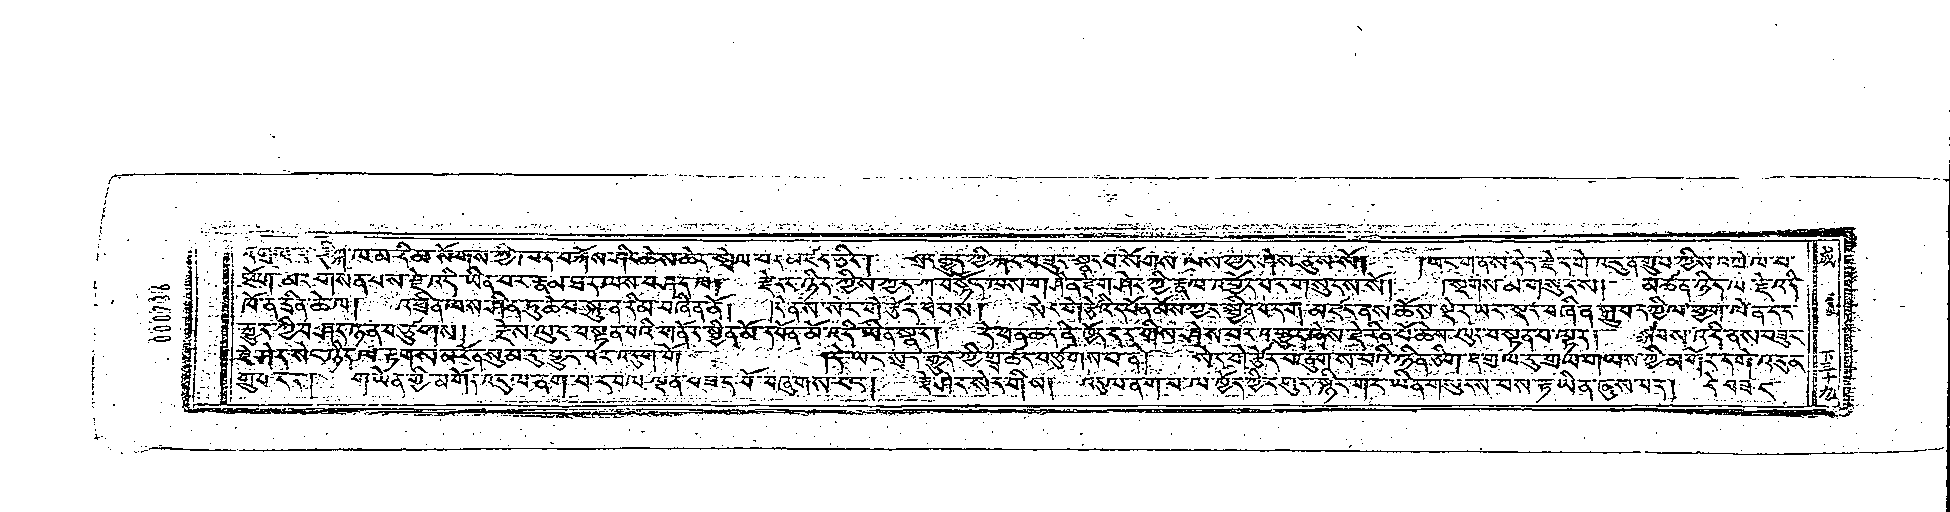འགྲེལ་བ་ཊིཀྐ་ལམ་རིམ་སོགས་ཀྱི་ཁར་བརྐོས་ཤིང་ཆེས་ཆེར་སྤེལ་བར་མཛད་ཅིང་། སྲད་རྒྱུད་ཀྱི་རྐང་བཟུང་སྣང་བ་སོགས་ལས་ཀྱང་ཤེས་ནུས་སོ། །ཡང་གནས་དེར་རྗེ་དགེ་འདུན་གྲུབ་ཀྱིས་འགྲེལ་པ་
ཐོག་མར་གསན་པས་རྗེ་འདི་ཡིན་བར་རྣམ་ཐར་ལས་བཤད་ལ། རྗེ་རང་ཉིད་ཀྱིས་ཀྱང་ཀ་བསྟོད་ལས་གཤིན་རྗེ་གཤེད་ཀྱི་རྣལ་འབྱོར་པར་གསུངས་སོ། །སྔགས་མ་གསུངས། མཚན་ཉིད་ལ་རྗེ་འདི་
ཁོ་ན་དྲིན་ཆེ་ལ། འཕྲིན་ལས་ཤིན་ཏུ་ཆེ་བ་སྐུ་ན་རིམ་བཞིན་ནོ། །དེ་ནས་སེང་གེ་རྩེར་ཕེབས། སེང་གེ་རྩེའི་དཔོན་མོས་ཀྱང་སྦྱིན་བདག་མཛད་ནས་ཆོས་སྡེར་ཡང་སྔར་བཞིན་སྒྲུབ་དཀྱིལ་ཕྱག་ལེན་དང་
རྒྱུད་ཀྱི་བཤད་ཉན་བཙུགས། རྗེས་ལུང་བསྟན་པའི་གནོད་སྦྱིན་མོ་དཔོན་མོ་འདི་ཡིན་སྣང་། དེ་ཕན་ཆད་ནི་ཁྱོད་རང་གིས་ཤེས་བར་འགྱུར་ཞེས་རྗེ་རིན་པོ་ཆེས་ལུང་བསྟན་པ་ལྟར། སྐབས་འདི་ནས་བཟུང་
རྗེ་ཤེད་སེང་ཉིད་ལ་རྟགས་མངོན་སུམ་དུ་བྱུང་བར་འདུག་གོ །དེ་ཡང་སྲད་རྒྱུད་ཀྱི་གྲྭ་ཚང་བཙུགས་པ་ནི། སེང་གེ་རྩེར་བཞུགས་པའི་ཉིན་ཅིག་ཇ་གྲལ་དུ་གྲལ་གཡས་ཀྱི་མགོར་དགེ་འདུན་
གྲུབ་དང་། གཡོན་གྱི་མགོར་འདུལ་ནག་བ་དཔལ་ལྡན་བཟད་པོ་བཞུགས་བར། རྗེ་ཤེད་སེང་གིས། འདུལ་ནག་བ་ལ་ཁྱོད་ཀྱི་དགུད་སྙིང་གང་ཡིན་གསུངས་པས་རྟ་ཡིན་ཞུས་པར། དེ་བཟང་